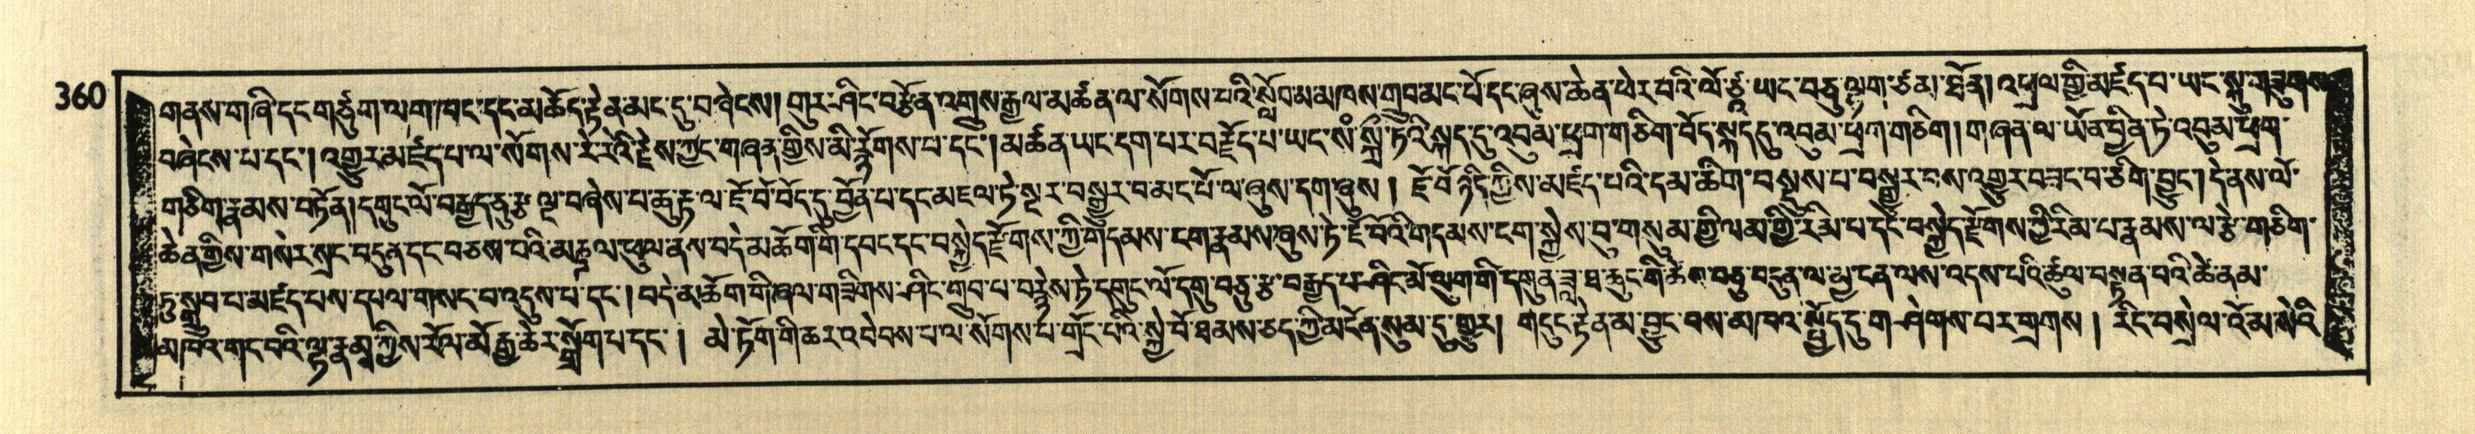གནས་གཞི་དང་གཙུག་ལག་ཁང་དང་མཆོད་རྟེན་མང་དུ་བཞེངས། གུར་ཤིང་བརྩོན་འགྲུས་རྒྱལ་མཚན་ལ་སོགས་པའི་སློབ་མ་མཁས་གྲུབ་མང་པོ་དང་ཞུས་ཆེན་ཕེར་བའི་ལོ་ཙཱ་ཡང་བཅུ་ལྷག་ཙམ་ཐོན། འཕྲལ་གྱི་མཛད་པ་ཡང་སྐུ་གཟུགས་
བཞེངས་པ་དང་། འགྱུར་མཛད་པ་ལ་སོགས་རེ་རེའི་རྗེས་ཀྱང་གཞན་གྱིས་མི་རྙོགས་པ་དང་། མཚན་ཡང་དག་པར་བརྗོད་པ་ཡང་སཾ་སྐྲྀ་ཏའི་སྐད་དུ་འབུམ་ཕྲག་གཅིག་བོད་སྐད་དུ་འབུམ་ཕྲག་གཅིག། གཞན་ལ་ཡོན་བྱིན་ཏེ་འབུམ་ཕྲག་
གཅིག་རྣམས་བཏོན། དགུང་ལོ་བརྒྱད་ཅུ་རྩ་ལྔ་བཞེས་པ་ཆུ་རྟ་ལ་ཇོ་བོ་བོད་དུ་བྱོན་པ་དང་མཇལ་ཏེ་སྔར་བསྒྱུར་བ་མང་པོ་ལ་ཞུས་དག་ཞུས། ཇོ་བོ་ཉིད་ཀྱིས་མཛད་པའི་དམ་ཚིག་བསྡུས་པ་བསྒྱུར་བས་འགྱུར་བཟང་བ་ཅིག་བྱུང་། དེ་ནས་ལོ་
ཆེན་གྱིས་གསེར་སྲང་བདུན་དང་བཅས་པའི་མཎྜལ་ཕུལ་ནས་བདེ་མཆོག་གི་དབང་དང་བསྐྱེད་རྫོགས་ཀྱི་གདམས་ངག་རྣམས་ཞུས་ཏེ་ཇོ་བོའི་གདམས་ངག་སྐྱེས་བུ་གསུམ་གྱི་ལམ་གྱི་རིམ་པ་དང་བསྐྱེད་རྫོགས་ཀྱི་རིམ་པ་རྣམས་ལ་རྩེ་གཅིག་
ཏུ་སྒྲུབ་པ་མཛད་པས་དཔལ་གསང་བ་འདུས་པ་དང་། བདེ་མཆོག་གི་ཞལ་གཟིགས་ཤིང་གྲུབ་པ་བརྙེས་ཏེ་དགུང་ལོ་དགུ་བཅུ་རྩ་བརྒྱད་པ་ཤིང་མོ་ལུག་གི་དགུན་ཟླ་ཐ་ཆུང་གི་ཚེས་བཅུ་བདུན་ལ་མྱ་ངན་ལས་འདས་པའི་ཚུལ་བསྟན་པའི་ཚེ་ནམ་
མཁའ་གང་བའི་ལྷ་རྣམས་ཀྱིས་རོལ་མོ་རྒྱ་ཆེར་སྒྲོག་པ་དང་། མེ་ཏོག་གི་ཆར་འབེབས་པ་ལ་སོགས་པ་གྲོང་པའི་སྐྱེ་བོ་ཐམས་ཅད་ཀྱི་མངོན་སུམ་དུ་གྱུར། གདུང་རྟེན་མ་བྱུང་བས་མཁའ་སྤྱོད་དུ་གཤེགས་བར་གྲགས། རིང་བསྲེལ་འོ་མ་སེའི་